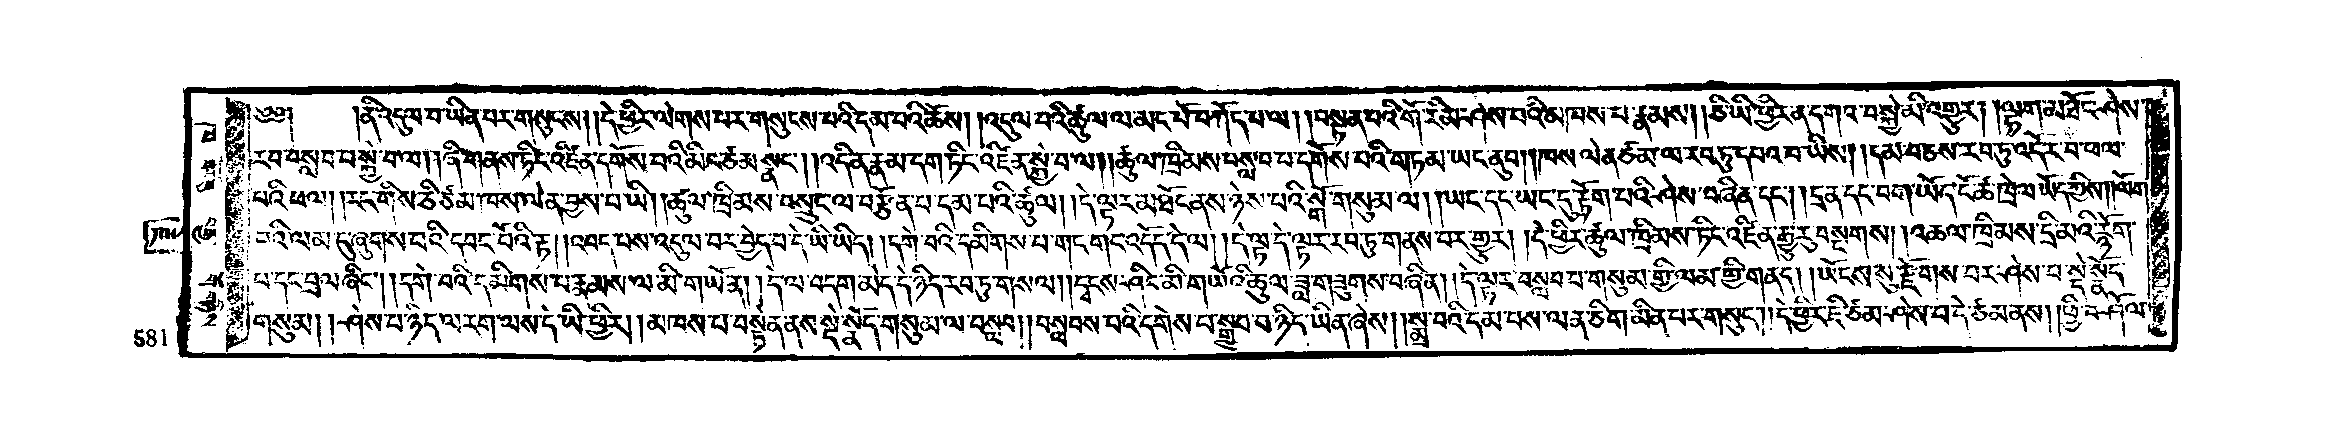༄༅། །ནི་འདུལ་བ་ཡིན་པར་གསུངས། །དེ་ཕྱིར་ལེགས་པར་གསུངས་པའི་དམ་པའི་ཆོས། །འདུལ་བའི་ཚུལ་ལ་མང་པོ་བཀོད་པ་ལ། །བསྟན་པའི་གོ་རིམ་ཤེས་པའི་མཁས་པ་རྣམས། །ཅི་ཡི་ཕྱིར་ན་དགའ་བ་སྐྱེ་མི་འགྱུར། །ལྷག་མཐོང་ཤེས་
རབ་བསླབ་པ་སྐྱེ་བ་ལ། །ཞི་གནས་ཏིང་འཛིན་དགོས་པའི་མིང་ཙམ་སྣང་། །འདི་ན་རྣམ་དག་ཏིང་འཛིན་སྐྱེ་བ་ལ། །ཚུལ་ཁྲིམས་བསླབ་པ་དགོས་པའི་གཏམ་ཡང་ནུབ། །ཁས་ལེན་ཙམ་ལ་རབ་ཏུ་དཔའ་བ་ཡིས། །དམ་བཅས་རབ་ཏུ་འདོར་བ་ཕལ་
བའི་ཕལ། །རང་གིས་ཅི་ཙམ་ཁས་ལེན་བྱས་པ་ཡི། །ཚུལ་ཁྲིམས་བསྲུང་ལ་བརྩོན་པ་དམ་པའི་ཚུལ། །དེ་ལྟར་མཐོང་ནས་ཉེས་པའི་སྒོ་གསུམ་ལ། །ཡང་དང་ཡང་དུ་རྟོག་པའི་ཤེས་བཞིན་དང་། །དྲན་དང་བག་ཡོད་ངོ་ཚ་ཁྲེལ་ཡོད་ཀྱི། །ལོག་
པའི་ལམ་དུ་ཞུགས་པའི་དབང་པོའི་རྟ། །འབད་པས་འདུལ་བར་བྱེད་པ་དེ་ཡི་ཡིད། །དགེ་བའི་དམིགས་པ་གང་གང་འདོད་དེ་ལ། །དེ་ལྟ་དེ་ལྟར་རབ་ཏུ་གནས་པར་གྱུར། །དེ་ཕྱིར་ཚུལ་ཁྲིམས་ཏིང་འཛིན་རྒྱུ་རུ་བསྔགས། །འཆལ་ཁྲིམས་དྲི་མའི་རྙོག་
པ་དང་བྲལ་ཞིང་། །དགེ་བའི་དམིགས་པ་རྣམས་ལ་མི་གཡོ༩ན། །དེ་ལ་བདག་མེད་དེ་ཉིད་རབ་ཏུ་གསལ། །དྭངས་ཤིང་མི་གཡོའི་ཆུ་ལ་ཟླ་གཟུགས་བཞིན། །དེ་ལྟར་བསླབ་པ་གསུམ་གྱི་ལམ་གྱི་གནད། །ཡོངས་སུ་རྫོགས་པར་ཤེས་པ་སྡེ་སྣོད་
གསུམ། །ཤེས་པ་ཉིད་ལ་རག་ལས་དེ་ཡི་ཕྱིར། །མཁས་པ་བསྟེན་ནས་སྡེ་སྣོད་གསུམ་ལ་བསླབ། །བསླབས་པའི་དགོས་པ་སྒྲུབ་པ་ཉིད་ཡིན་ཞེས། །སྨྲ་བའི་དམ་པས་ལན་ཅིག་མིན་པར་གསུང་། །དེ་ཕྱིར་ཇི་ཙམ་ཤེས་པ་དེ་ཙམ་ནས། །ཕྱི་བཤོལ་